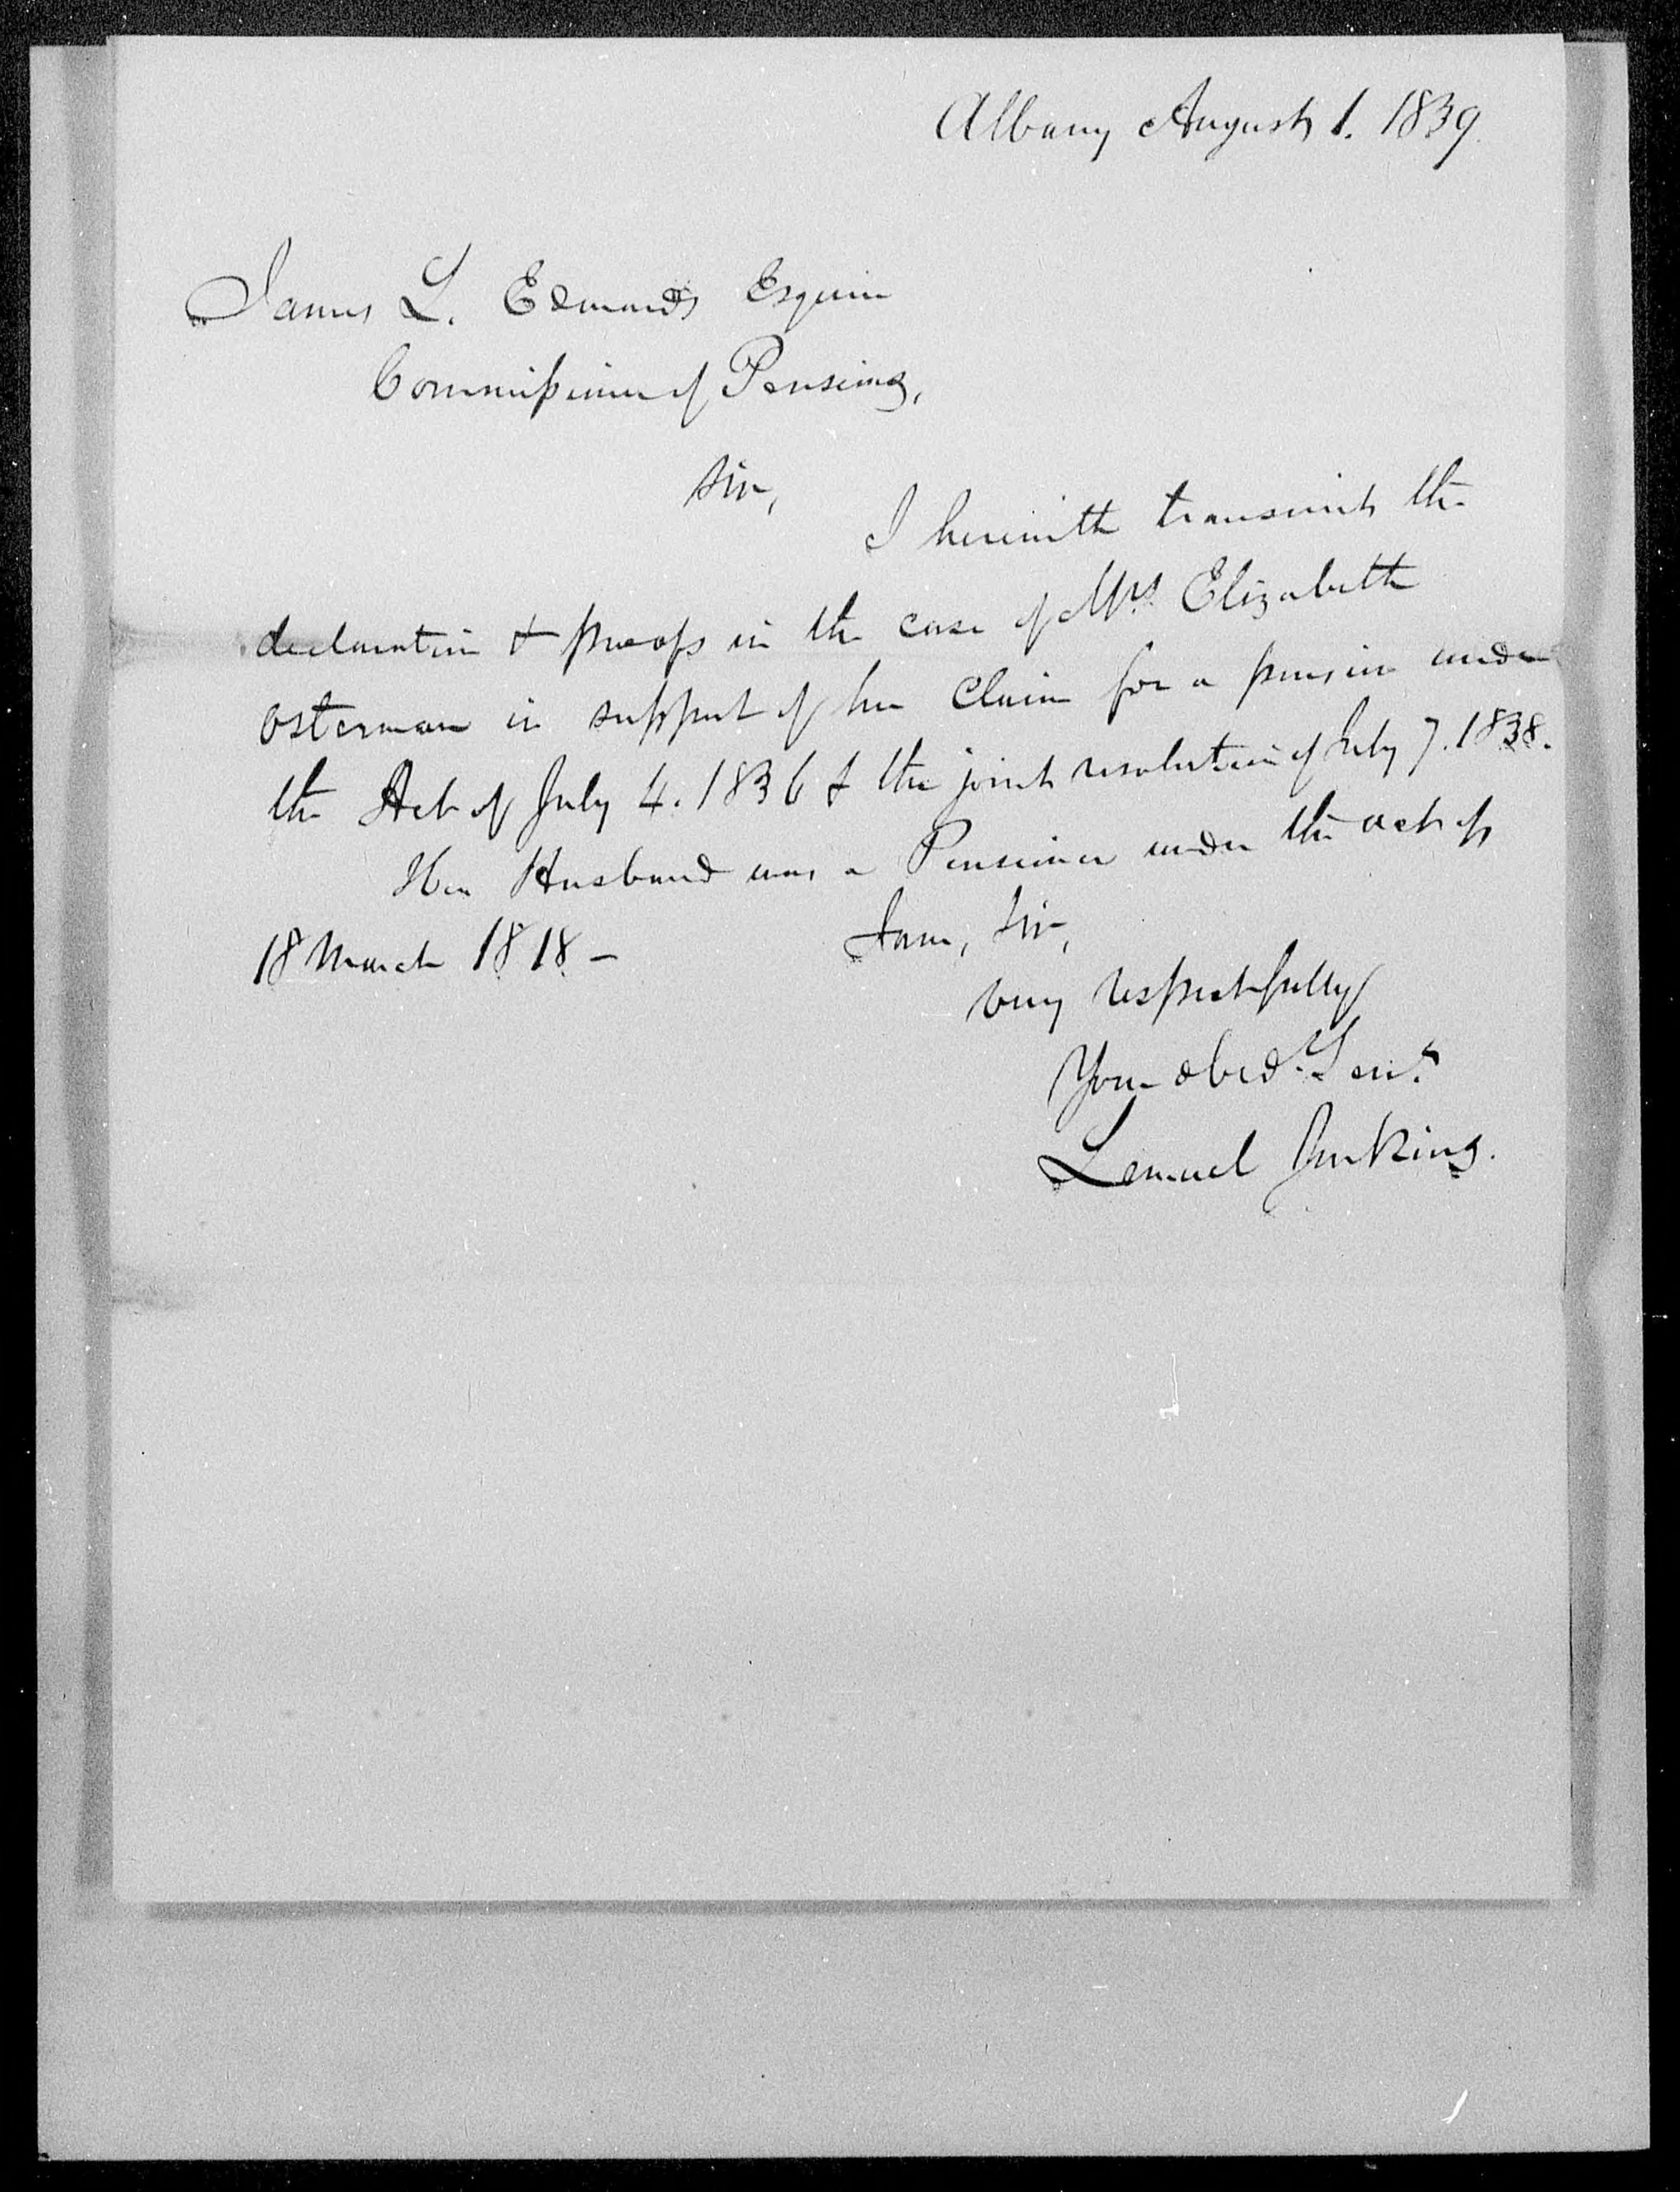Albany August 1 1839
James L Edwards Esquire
Commissioner of Pensions

Sir
I herewith transmit the declaration and proofs in the case of Mrs. Elizabeth Osterman in support of her claim for a pension under the Act of July 4, 1836 & the jurat resolution of July 7, 1838.
Her husband was a pensioner under the act of 18 March 1818. 
I am sir, 
Very respectfully
Your obed. servt
Lemuel Jenkins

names: James L Edwards; Elizabeth Osterman; Lemuel Jenkins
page: 23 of 40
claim: widow's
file: W. 21876, for Christian Osterman, New York